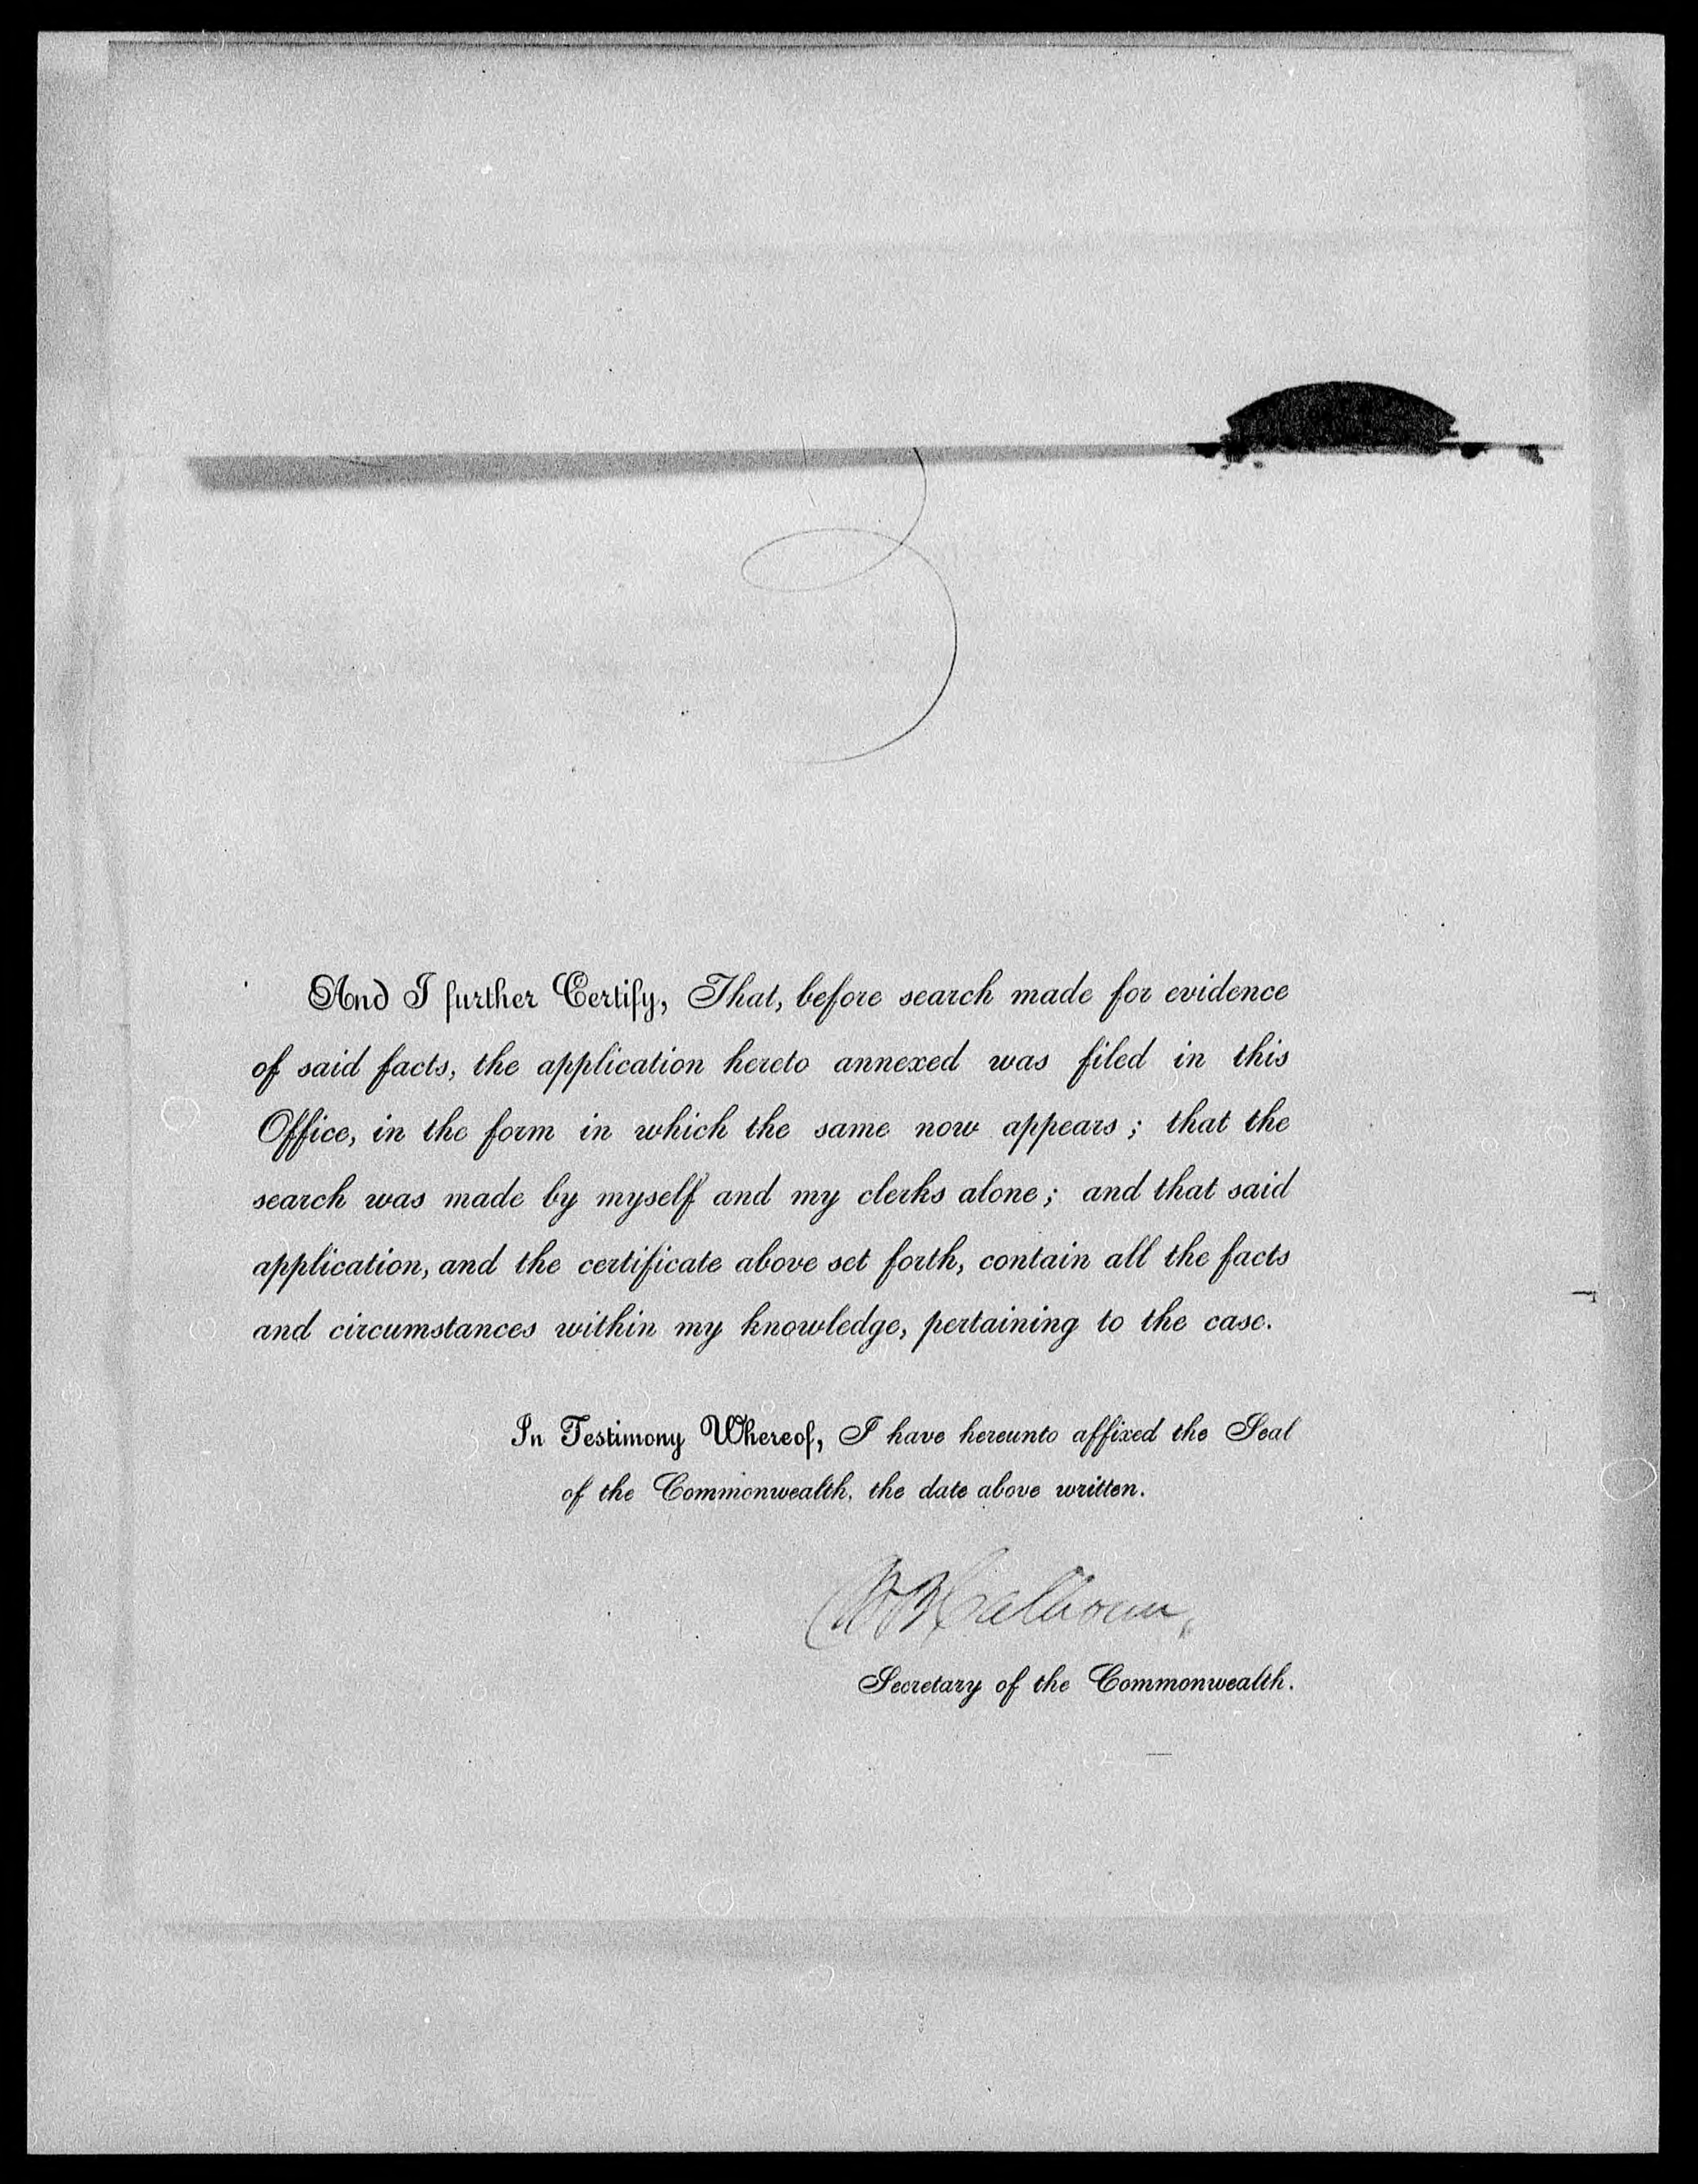And I further Certify, That. before search made for evidence
of said facts, the application hereto annexed was filed in this
Office, in the form in which the same now appears ; that the
search was made by myself and my clerks alone ; and that said
application, and the certificate above set forth, contains all the facts
and circumstances within my knowledge, pertaining to the case.

                               In Testimony Where of, I have hereunto affixed the Seal
                                   of the Commonwealth, the date above written.

                                                                W B Calhoun
                                                                  Secretary of the Commonwealth.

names: W B Calhoun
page: 10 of 29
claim: widow's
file: W. 1779, for Richard Kimball, Massachusetts